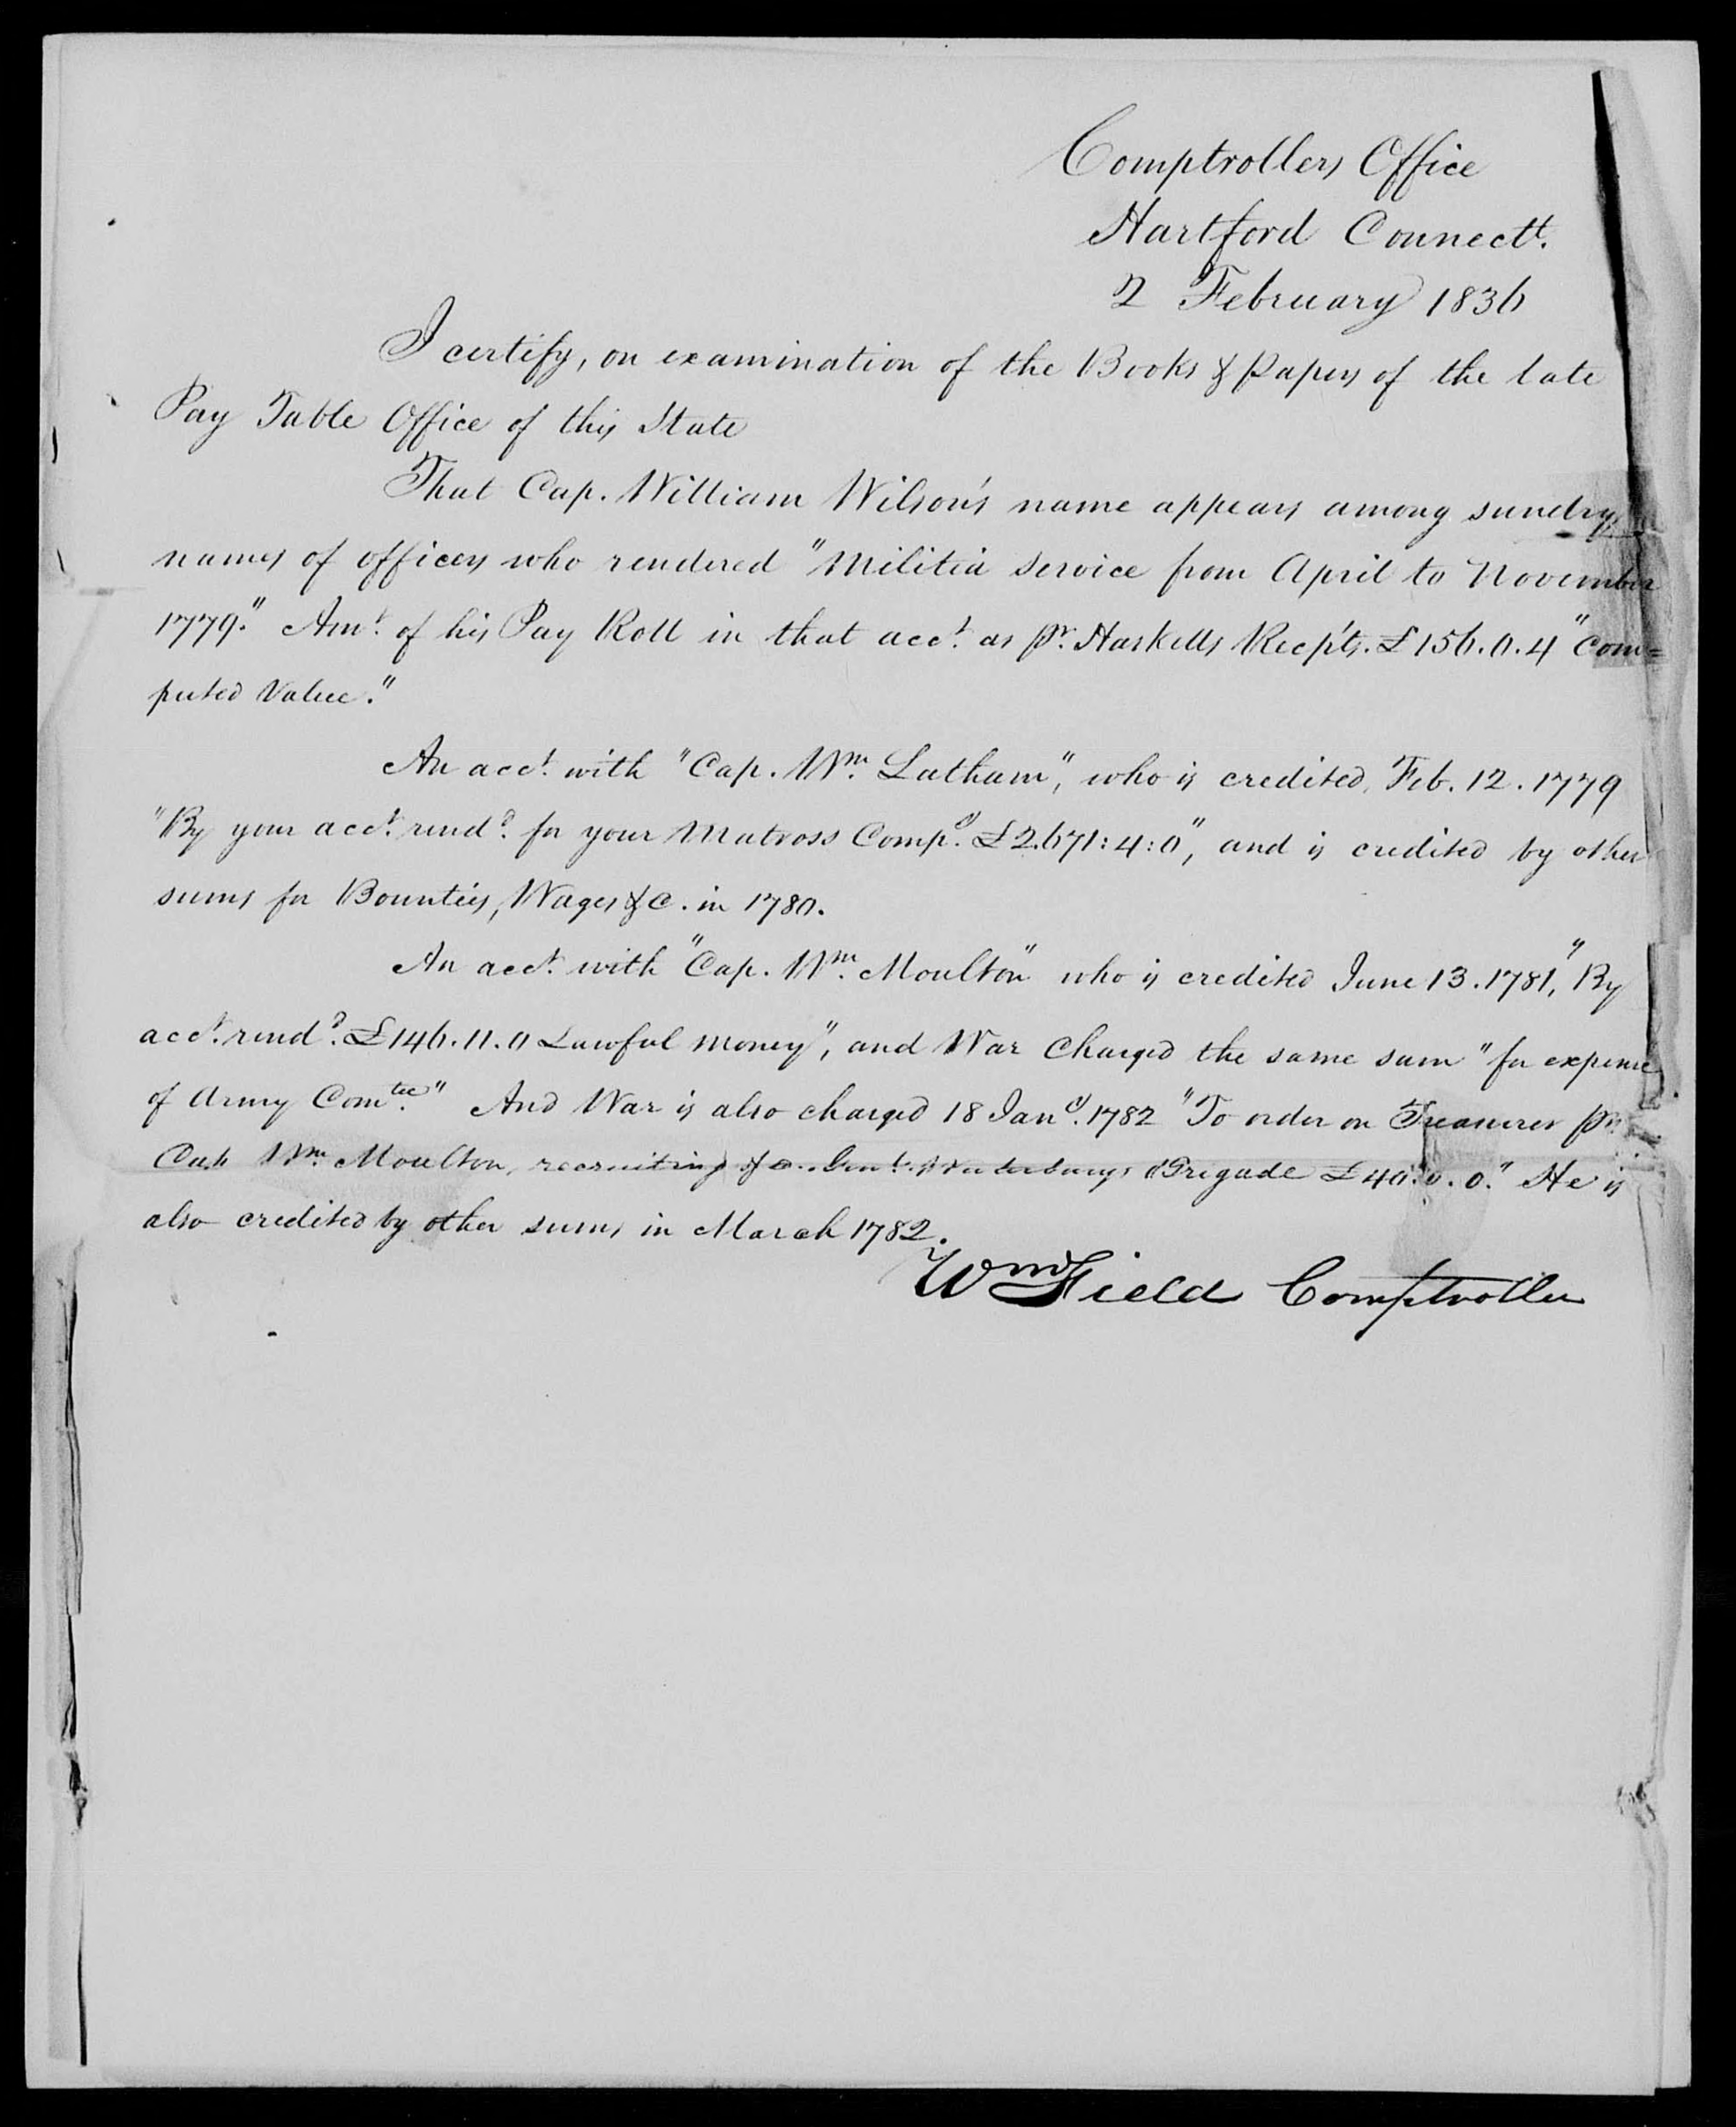Comptroller's Office
Hartford Connecticut
2 February 1836

I certify, on examination of the Books & Papers of the late Pay Table Office of this State that Cap. William Wilson's name appears among sundry names of officers who rendered "Militia service from April to November 1779". And of his Pay Roll in that account as Pv. Haskells Recp'ts. [symbol] 156.0.4 "computed value".

An account with "Cap. Wm. Latham", who is credited Feb. 12, 1779 "By your account rendered for your Matross Comp. [symbol] 2.671:4:0", and is credited by other sums for Bounties, Wages (?) in 1780.

An account with "Cap. Wm. Moulton" who is credited June 13, 1781, By account rendered [symbol] 146.11.11 Lawful Money" and War charged the same sum "for expense of Army Com.tee" And War is also charged 18 Jan. 1782 "To order on Treasurer [illegible] Cap. Wm. Moulton, recruiting of [illegible] Brigade [symbol] 40.0.0" He is also credited by other sum in March 1782.

Wm. Field Comptroller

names: Wm Field, Wm Moulton, Wm Latham, William Wilson, Wm Moulton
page: 27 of 50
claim: survivor's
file: S 10607, Jabez Edwards, Conn.